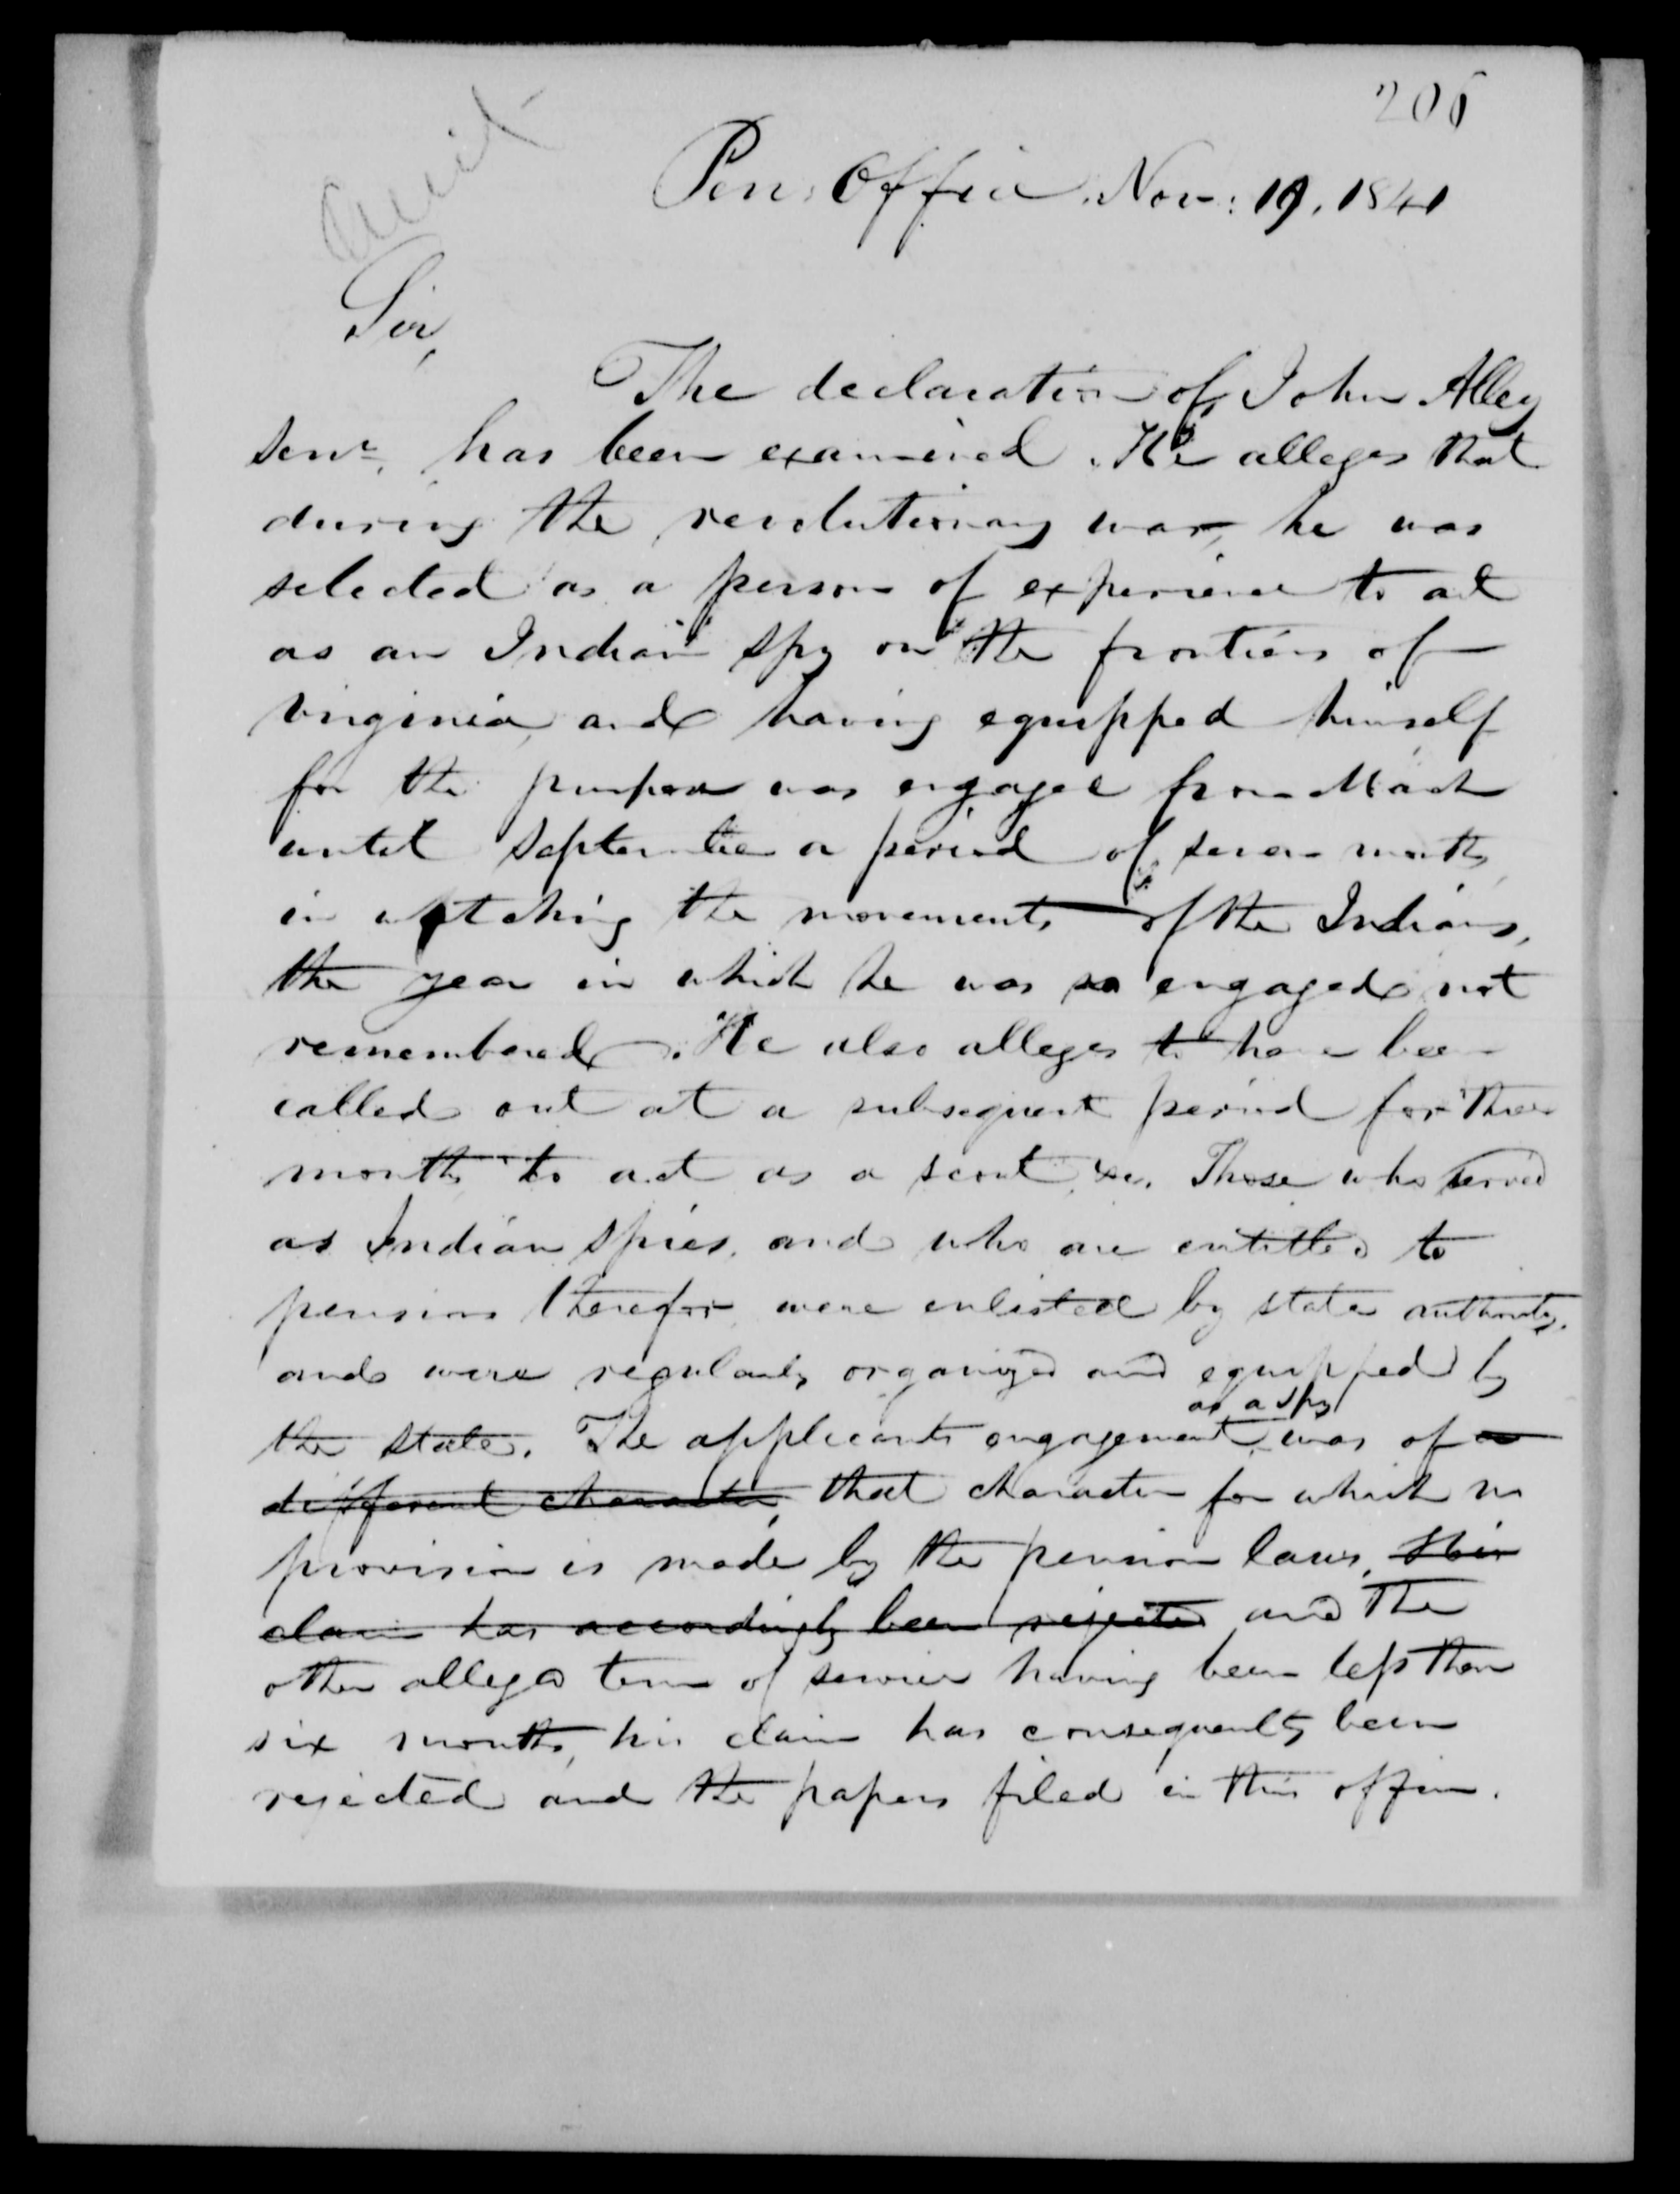Quit [written diagonally at the top of the page]
206
 Pen Office, Nov. 19, 1841

Sir,
The declaration of John Alley Senr. has been examined. He alleges that during the revolutionary war, he was selected as a person of experience to act as an Indian spy on the frontiers of Virginia, and having equipped himself for the purpose was engaged from March until September a period of seven months in taking the movements of the Indians, the year in which he was engaged not
remembered. He also alleges to have been called out at a subsequent period for three
months to act as a scout &c. Those who served as Indian Spies and who are entitled to
pension therefor were enlisted by state authority. and were regularly organized and equipped by the State. The applicants engagement as a spy was of that character for which no provision is made by the pension laws, and the other alleged term of service having been less than six months, his claim has consequently been rejected and the papers filed in this office.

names: John Alley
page: 20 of 33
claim: rejected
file: R. 9635, for Thomas Skinner, Delaware